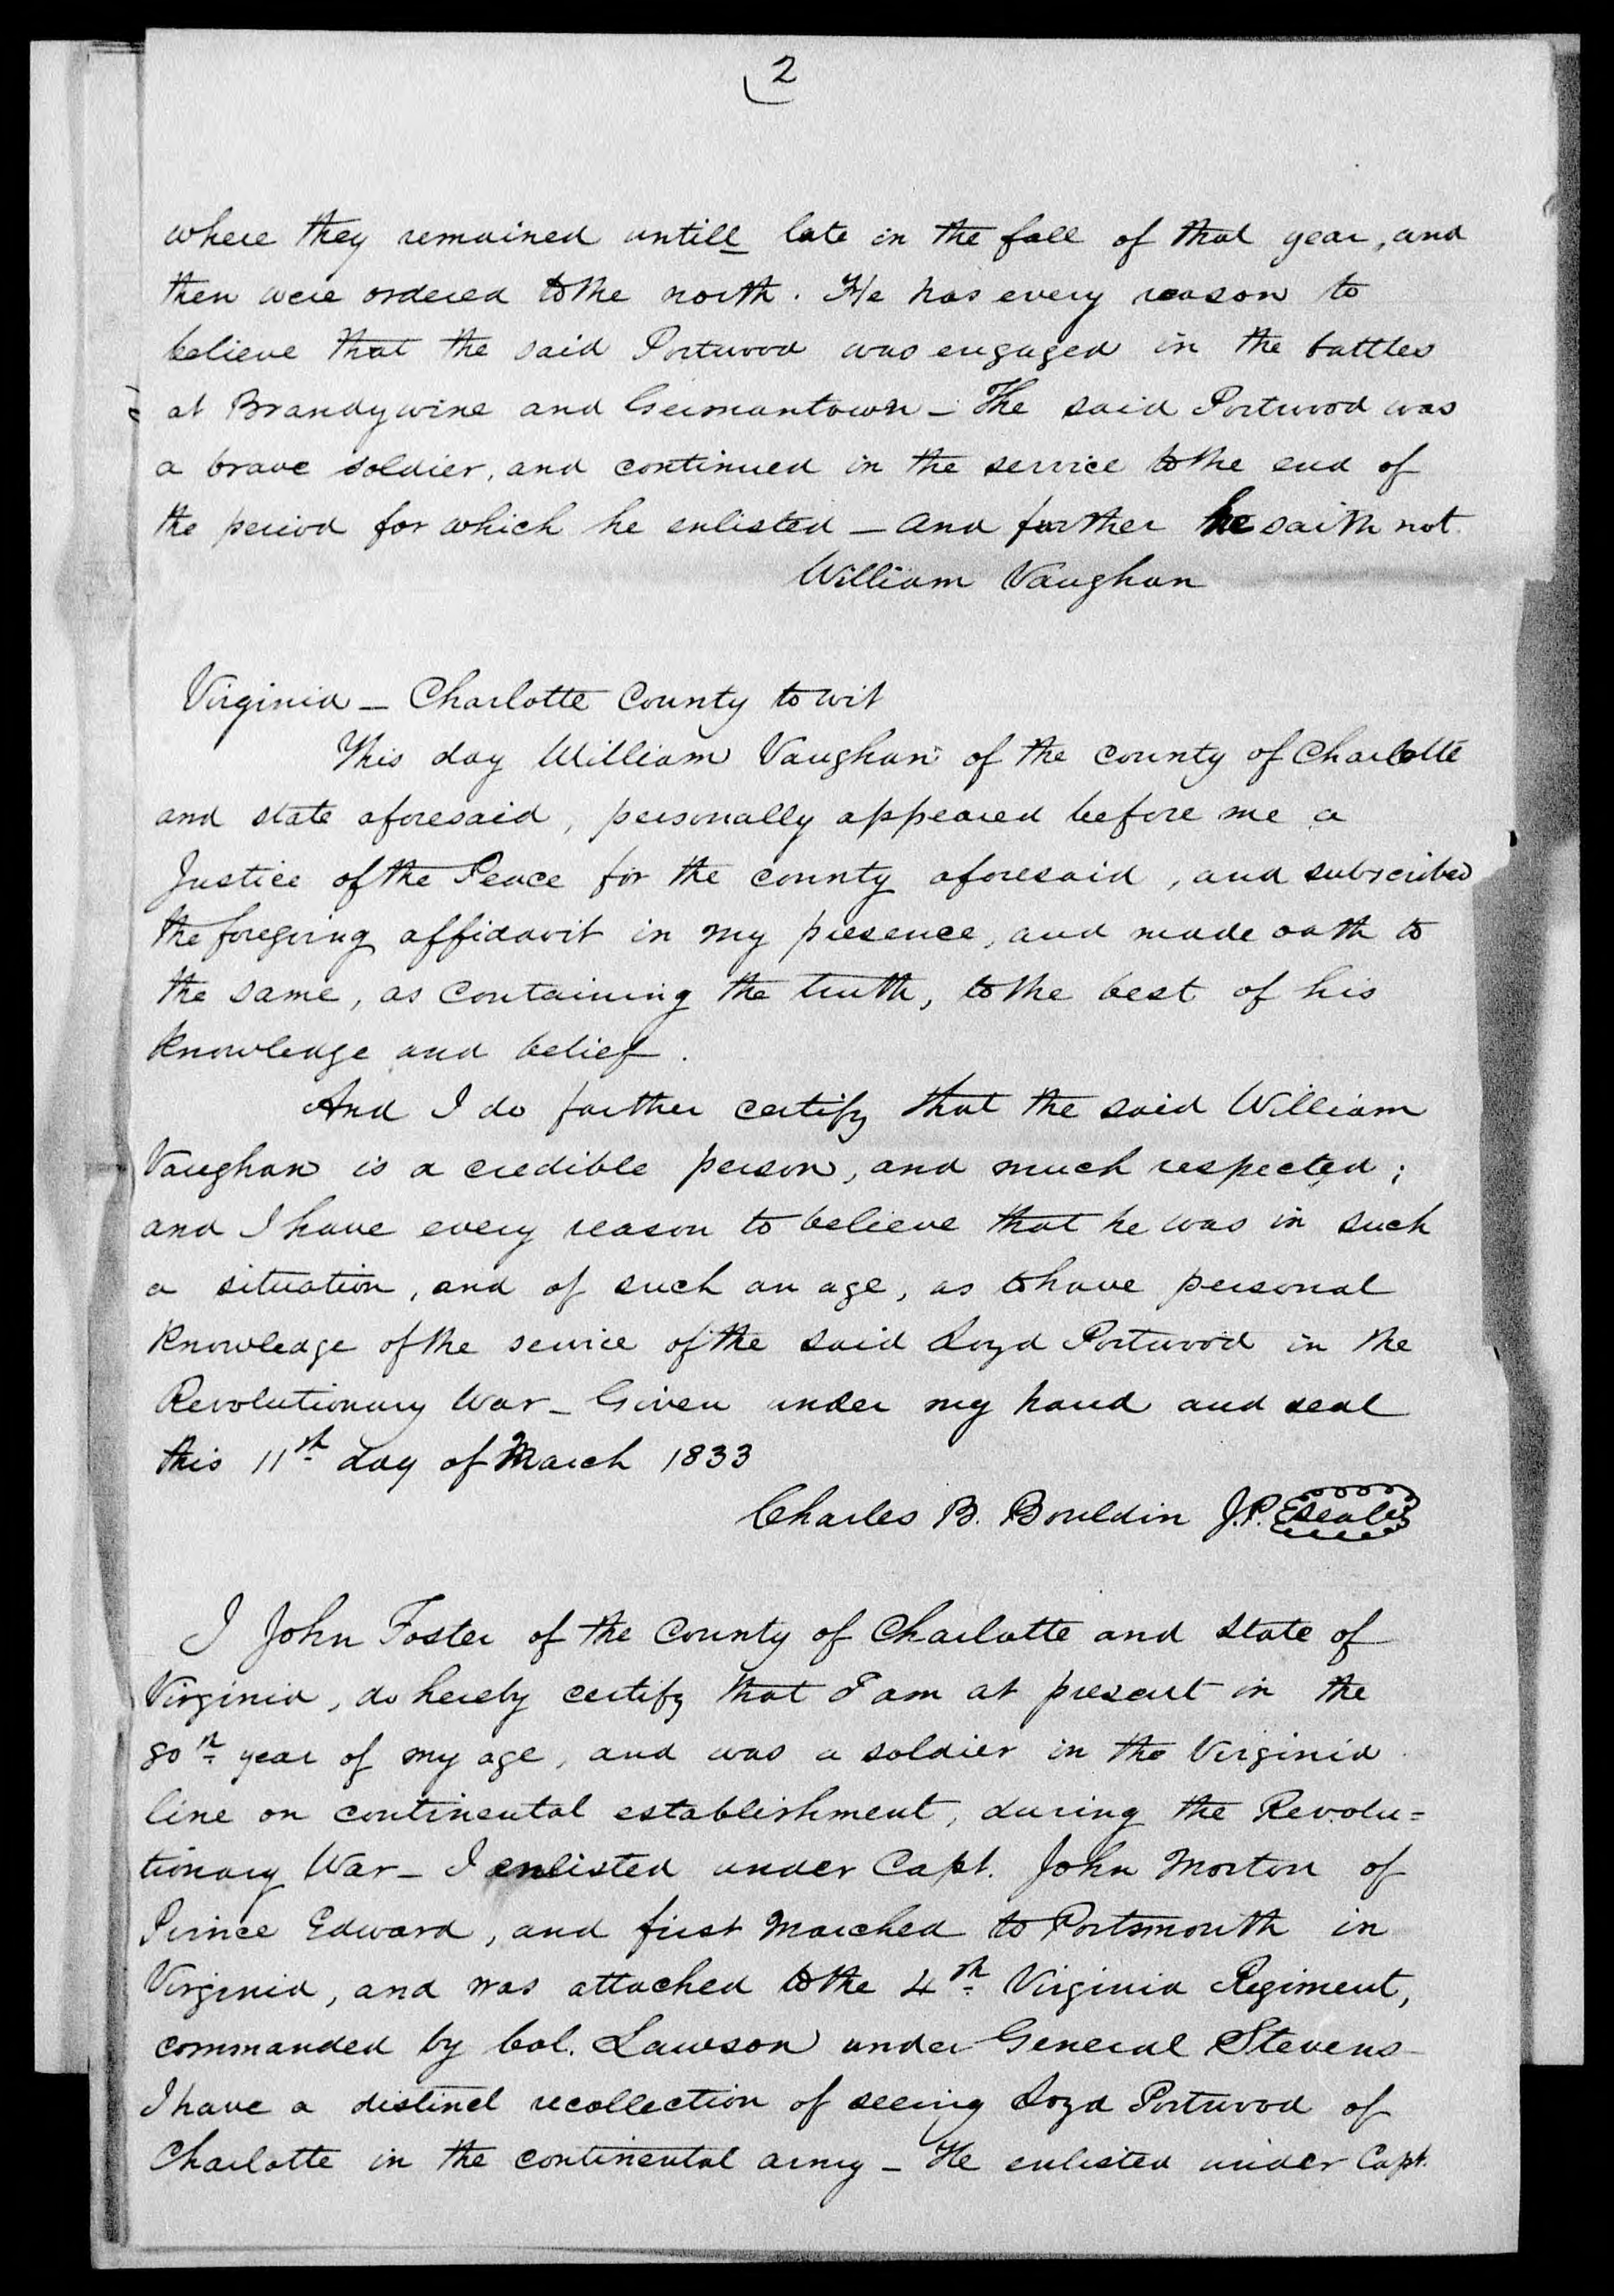2
where they remained untill late in the fall of that year, and
then were ordered to the north. He has every reason to
believe that the said Portwood was engaged in the battles
at Brandywine and Germantown - The said Portwood was
a brave soldier, and continued in the service to the end of
the period for which he enlisted - and further he saith not.
| William Vaughan
Virginia _ Charlotte County to wit
This day William Vaughan of the County of Charlotte
and state aforesaid, personally appeared before me a
Justice of the Peace for the county aforesaid, and subscribed
the foregoing affidavit in my presence, and made oath to
the same, as containing the truth, to the best of his
knowledge and belief.
And I do further certify that the said William
Vaughan is a credible person, and much respected;
and I have every reason to believe that he was in such
a situation, and of such an age, as to have personal
knowledge of the service of the said Loyd Portwood in the
Revolutionary War - Given under my hand and seal
this 11th day of March 1833
Charles B. Bouldin J.P. seal
I John Foster of the County of Charlotte and State of
Virginia, do hereby certify that I am at present in the
80th year of my age, and was a soldier in the Virginia
line on continental establishment, during the Revolutionary
War_ I enlisted under Capt. John Morton of
Prince Edward, and first marched to Portsmouth in
Virginia, and was attached to the 4th Virginia Regiment,
commanded by Col. Lawson under General Stevens_
I have a distinct recollection of seeing Loyd Portwood of
Charlotte in the continental army _ He enlisted under Capt.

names: [BLANK] Portwood; [BLANK] Stevens; William Vaughan; John Morton; Charles B Bouldin; Loyd Portwood; [BLANK] Lawson; John Foster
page: 43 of 50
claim: widow's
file: W. 1929, for Lloyd Portwood, Virginia